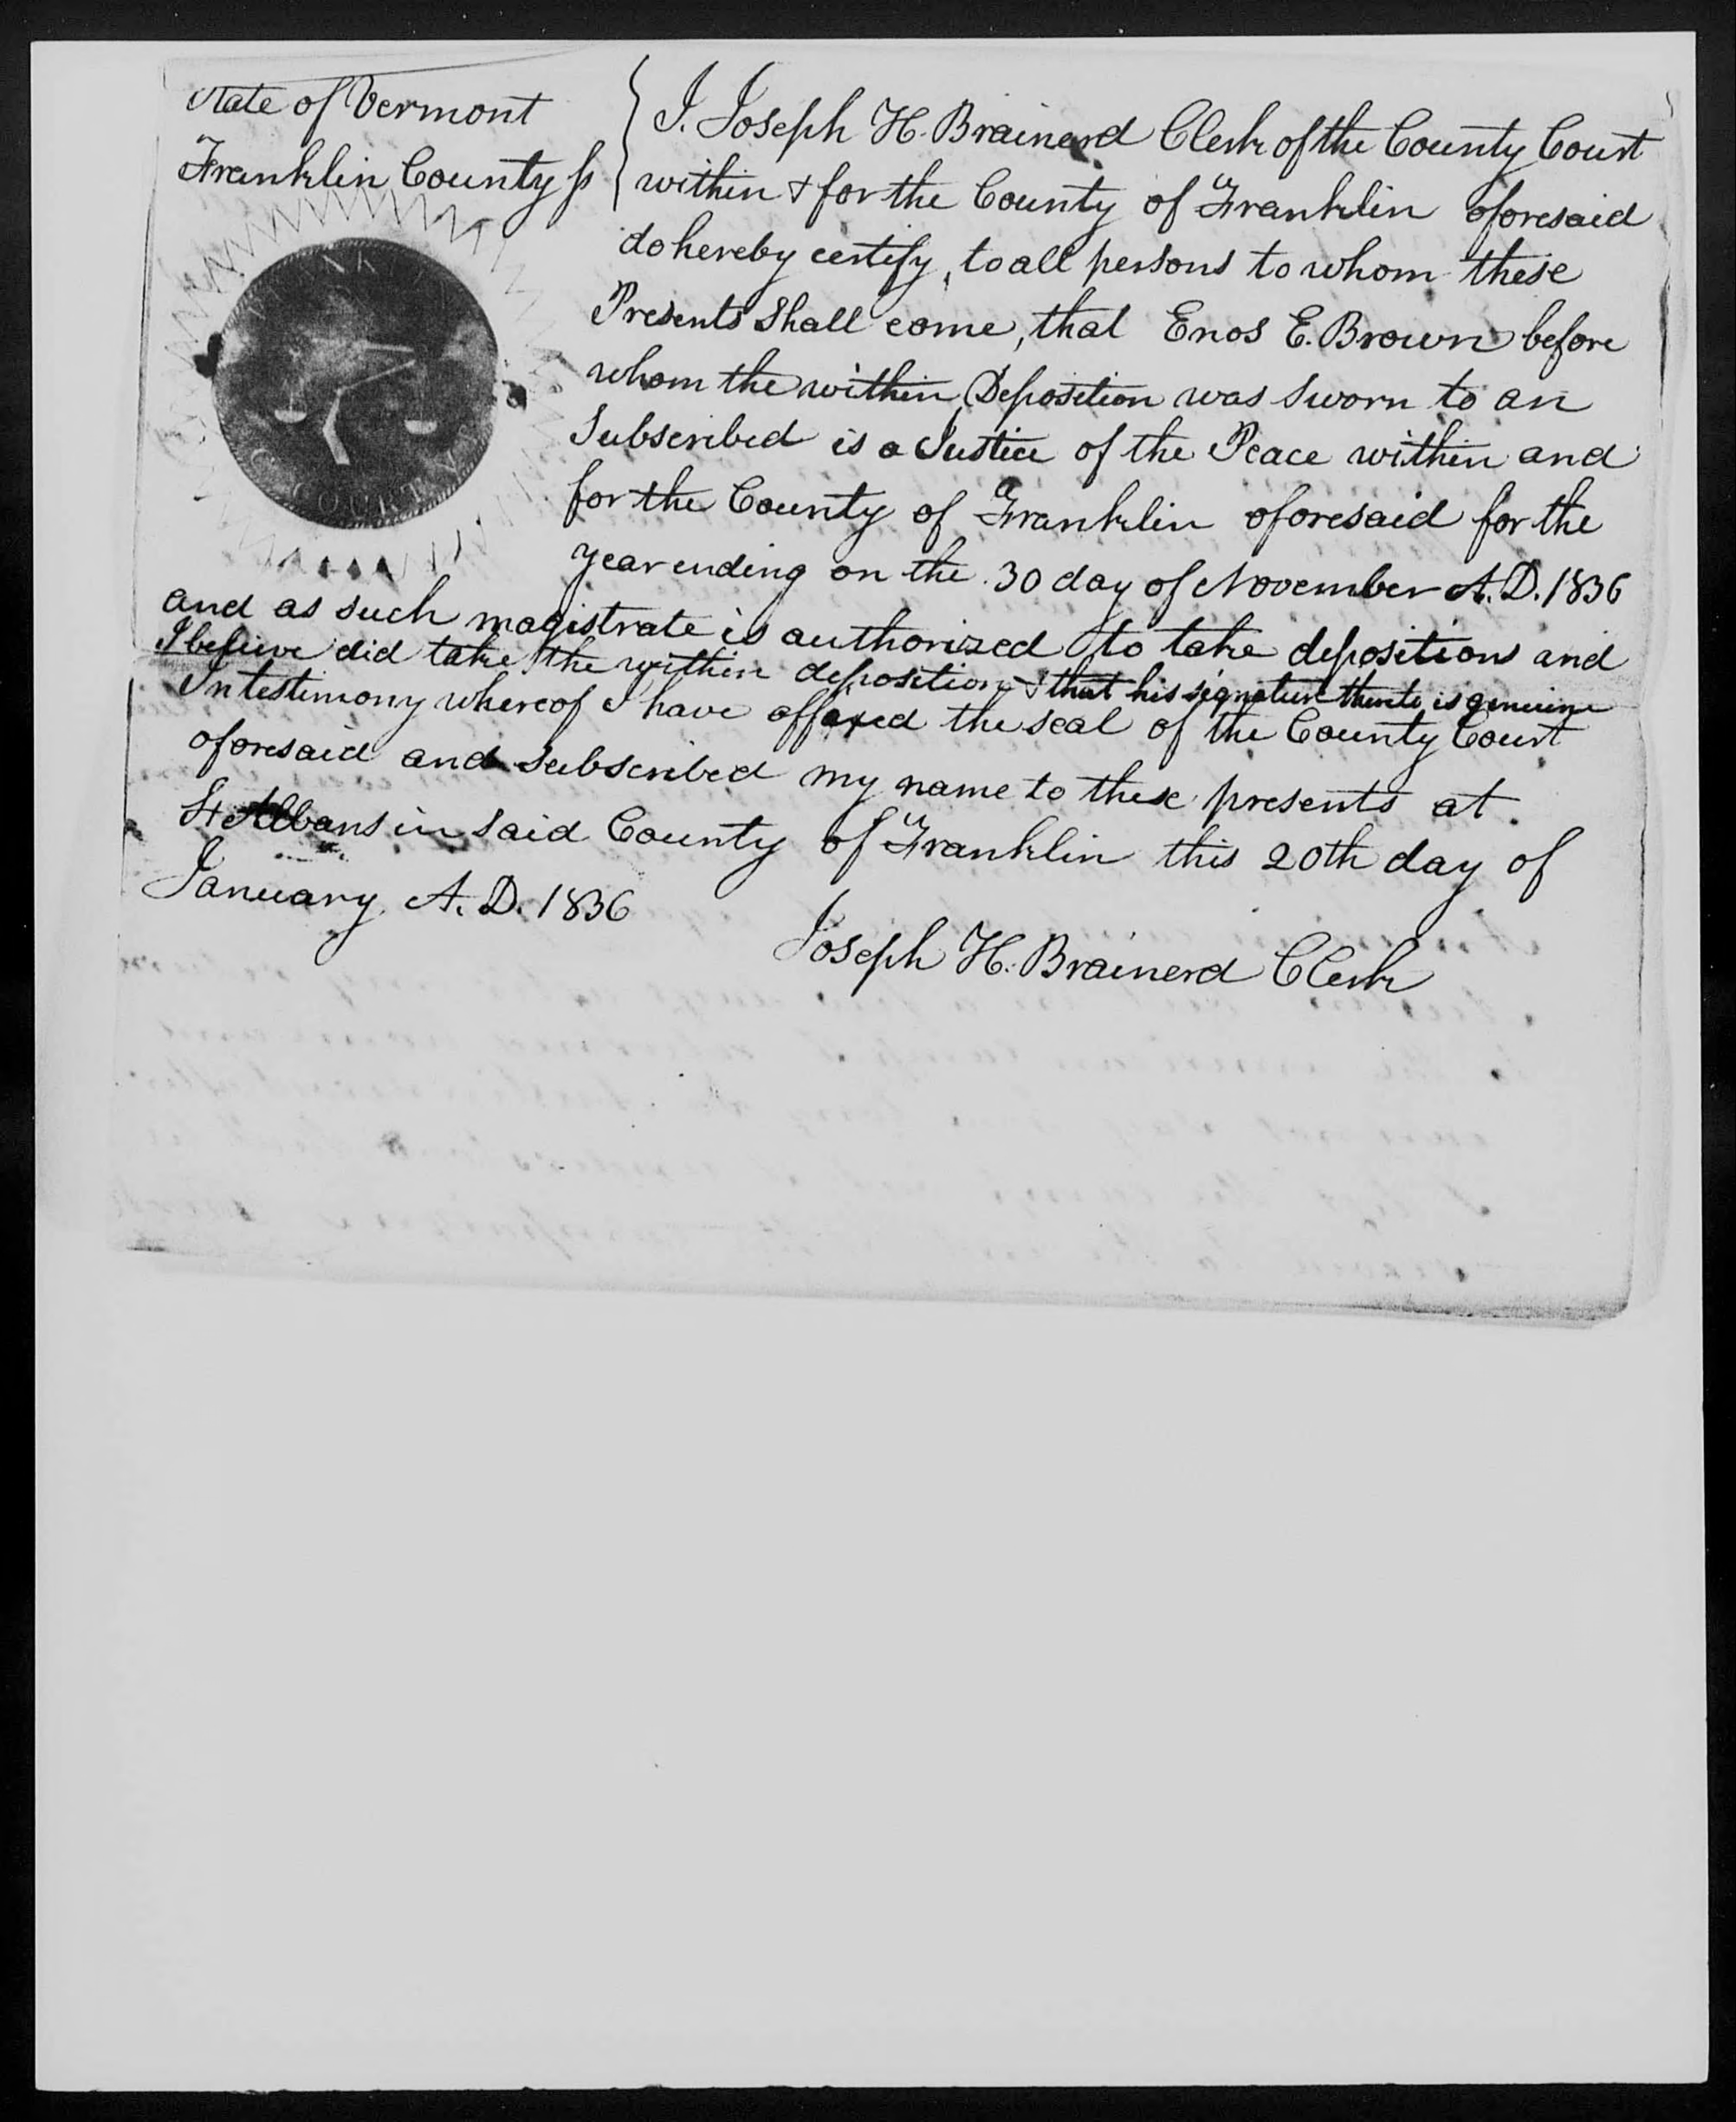State of Vermont   } I, Joseph H. Brainerd 
Franklin County ss } Clerk of the County 
[seal]           Court within & for the County of Franklin aforesaid do hereby certify, to all persons to whom these Presents Shall come, that Enos E. Brown before whom the within Deposition was sworn to and subscribed is a Justice of the Peace within and for the County of Franklin aforesaid for the year ending on the 30 day of November of A.D. 1836 and as such magistrate is authorized to take deposition and I believe did take the within deposition & that his signature thereto is genuine
In testimony whereof I have affixed the seal of the County Court aforesaid and subscribed my name to these presents at St. Albans in said County of Franklin this 20th day of January A.D. 1836

Joseph H. Brainerd Clerk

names: Joseph H Brainerd, Enos E Brown, Joseph H Brainerd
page: 75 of 100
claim: survivor's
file: S 19186, James Austin, Conn. New York R.I.